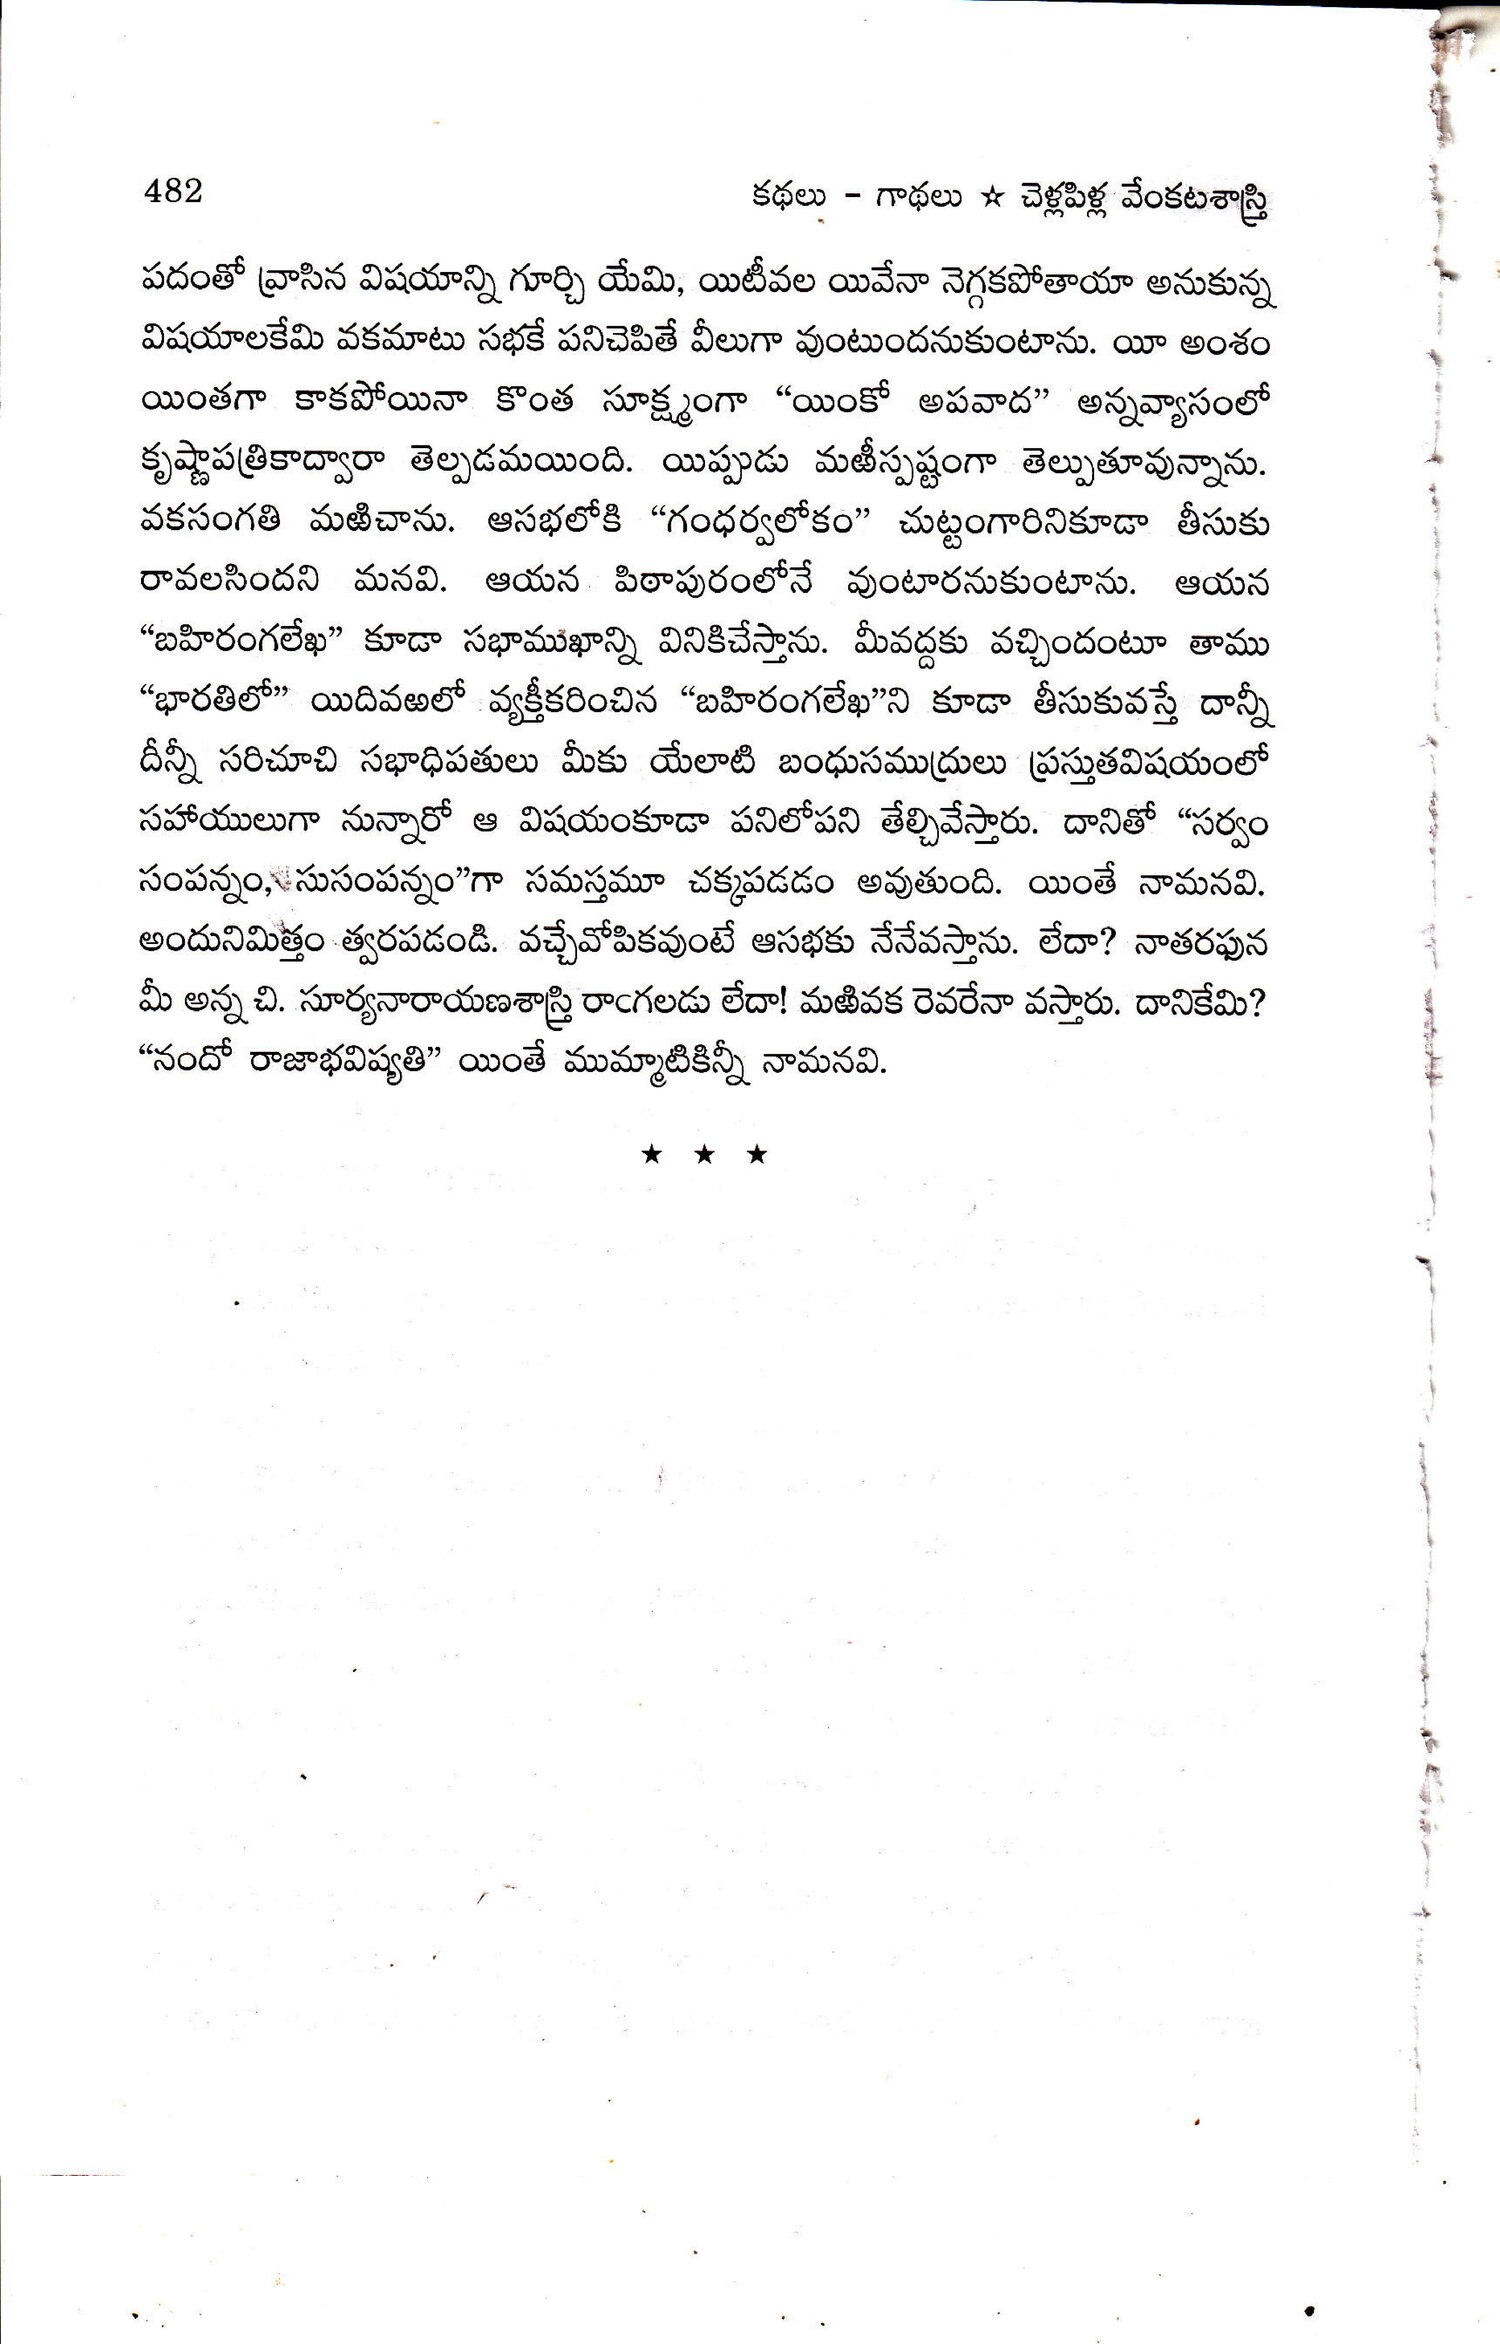పదంతో వ్రాసిన విషయాన్ని గూర్చి యేమి, యిటీవల యివేనా నెగ్గకపోతాయా అనుకున్న విషయాలకేమి వకమాటు సభకే పనిచెపితే వీలుగా వుంటుందనుకుంటాను. యీ అంశం యింతగా కాకపోయినా కొంత సూక్ష్మంగా “యింకో అపవాద” అన్నవ్యాసంలో కృష్ణాపత్రికాద్వారా తెల్పడమయింది. యిప్పుడు మఱీస్పష్టంగా తెల్పుతూవున్నాను. వకసంగతి మఱిచాను. ఆసభలోకి “గంధర్వలోకం" చుట్టంగారినికూడా తీసుకు రావలసిందని మనవి. ఆయన పిఠాపురంలోనే వుంటారనుకుంటాను. ఆయన “బహిరంగలేఖ" కూడా సభాముఖాన్ని వినికిచేస్తాను. మీవద్దకు వచ్చిందంటూ తాము "భారతిలో" యిదివఱలో వ్యక్తీకరించిన “బహిరంగలేఖ"ని కూడా తీసుకువస్తే దాన్నీ దీన్నీ సరిచూచి సభాధిపతులు మీకు యేలాటి బంధుసముద్రులు ప్రస్తుతవిషయంలో సహాయులుగా నున్నారో ఆ విషయంకూడా పనిలోపని తేల్చివేస్తారు. దానితో “సర్వం సంపన్నం, సుసంపన్నం"గా సమస్తమూ చక్కపడడం అవుతుంది. యింతే నామనవి. అందునిమిత్తం త్వరపడండి. వచ్చేవోపికవుంటే ఆసభకు నేనేవస్తాను. లేదా? నాతరఫున మీ అన్నచి. సూర్యనారాయణశాస్త్రి రాఁగలడు లేదా! మఱివక రెవరేనా వస్తారు. దానికేమి? “నందో రాజాభవిష్యతి" యింతే ముమ్మాటికిన్నీ నామనవి.